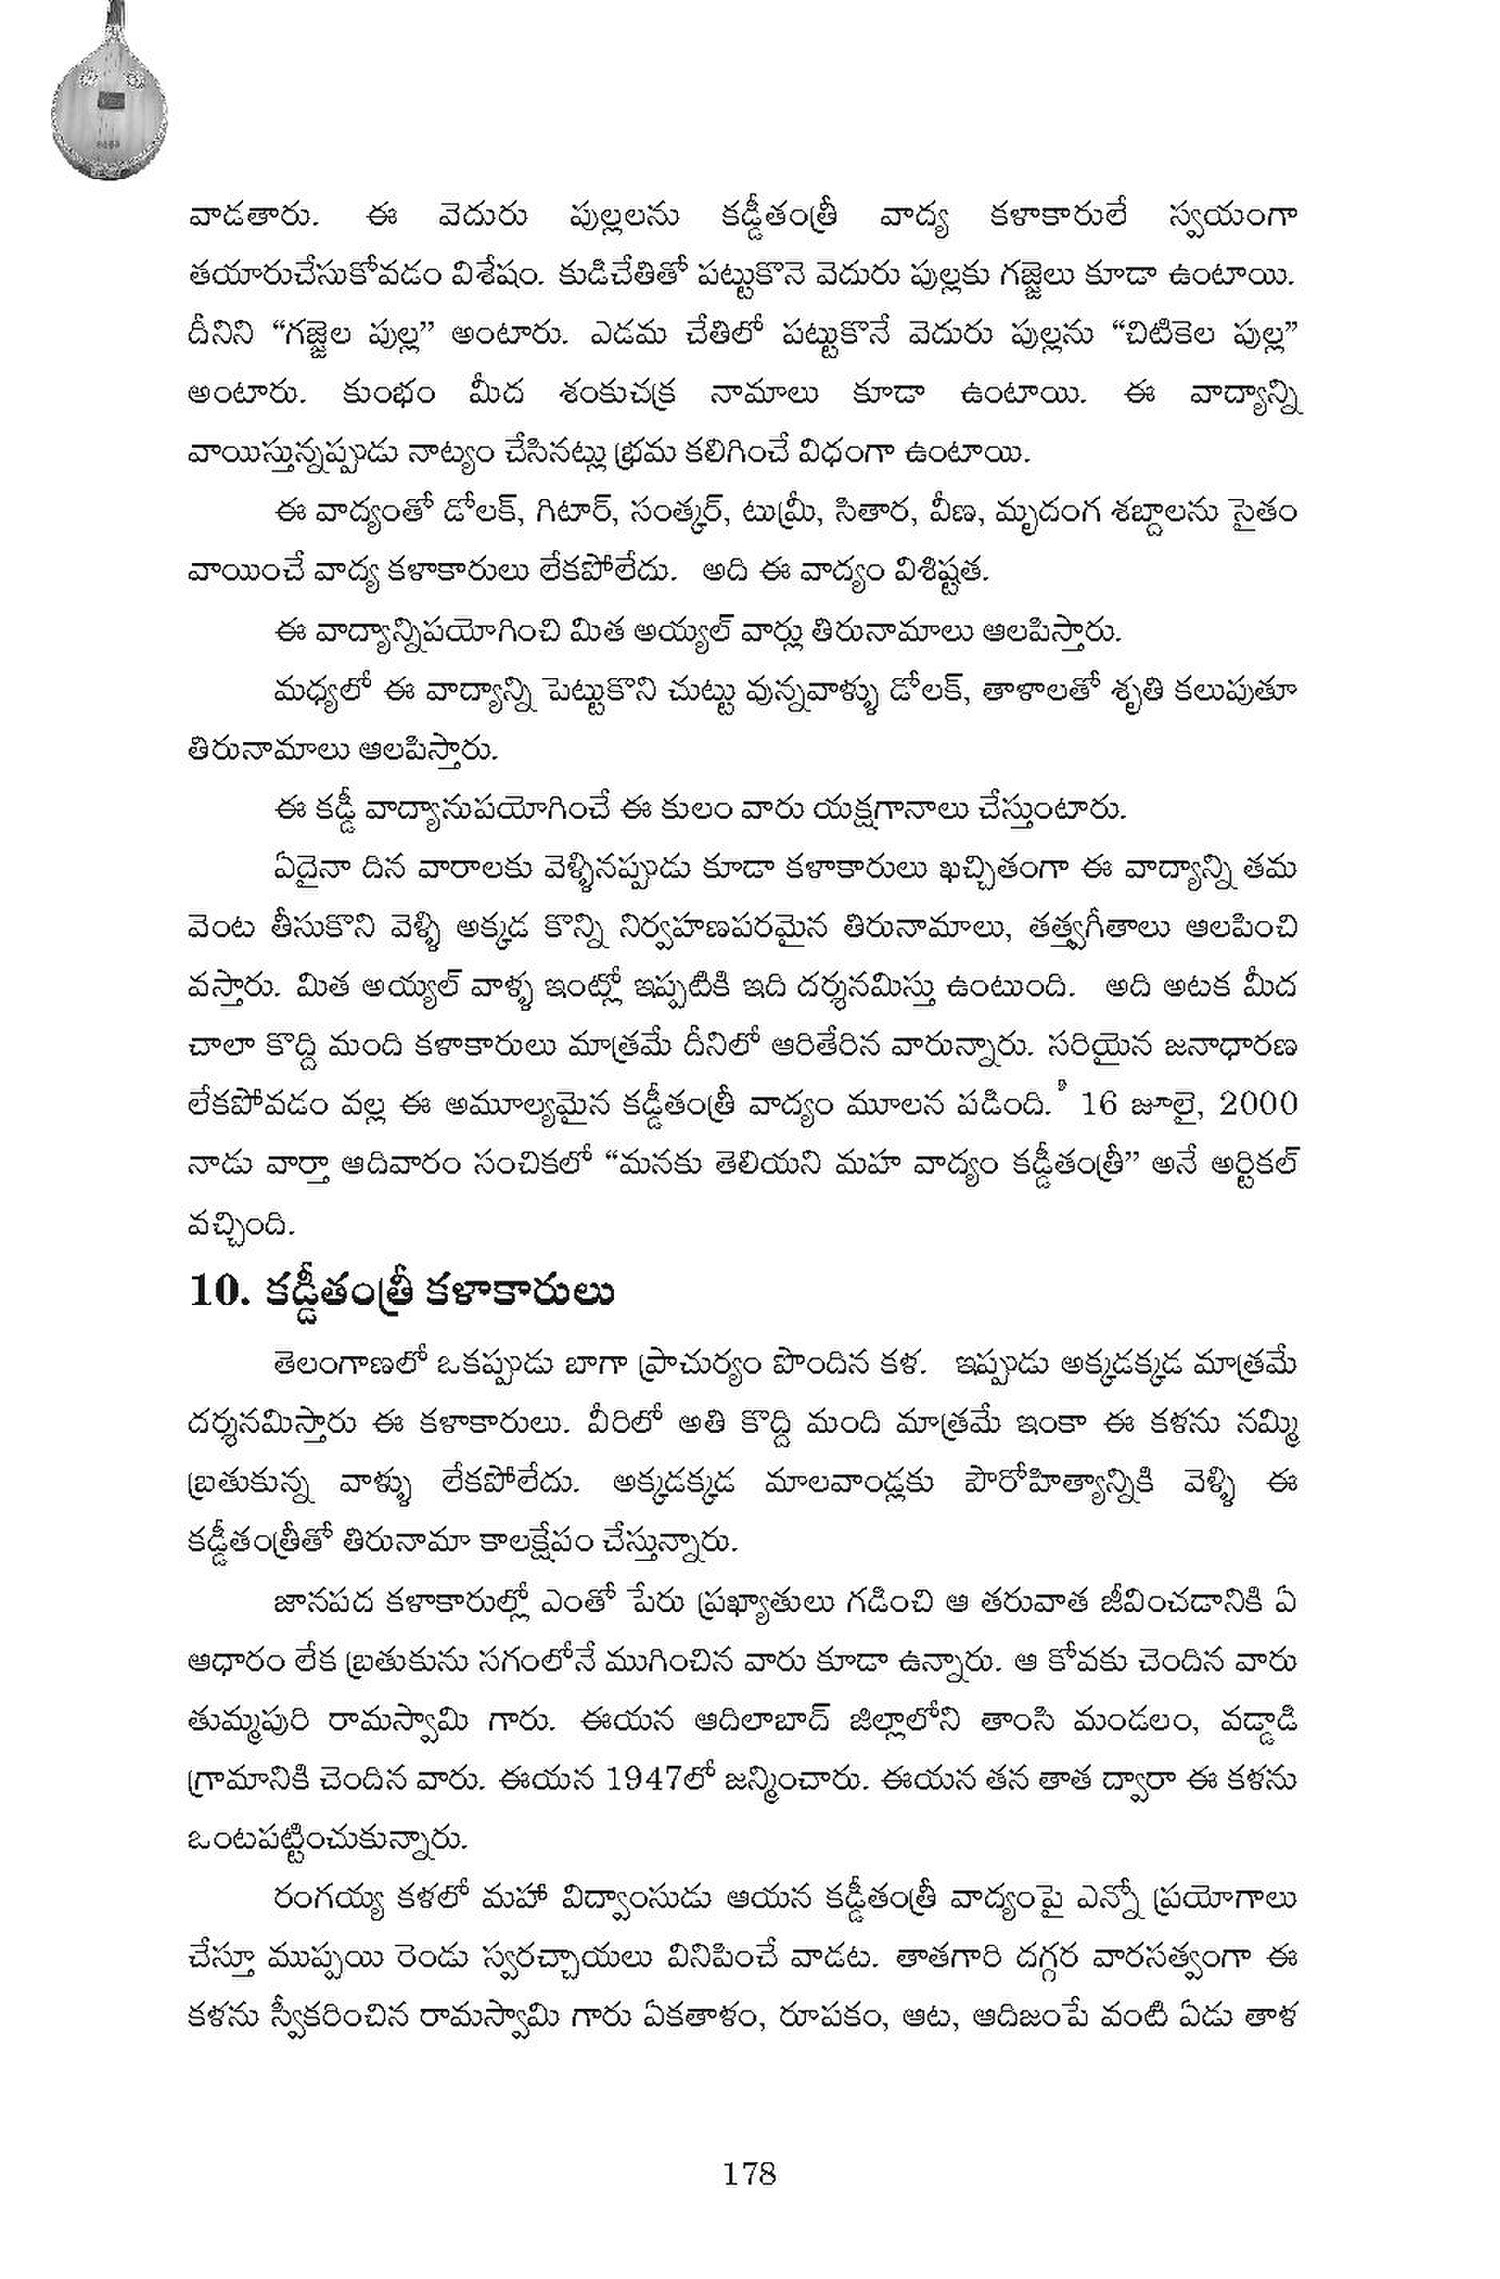వాడతారు. ఈ వెదురు పుల్లలను కడ్డీతంత్రీ వాద్య కళాకారులే స్వయంగా తయారుచేసుకోవడం విశేషం. కుడిచేతితో పట్టుకొనె వెదురు పుల్లకు గజ్జెలు కూడా ఉంటాయి. దీనిని “గజ్జెల పుల్ల” అంటారు. ఎడమ చేతిలో పట్టుకొనే వెదురు పుల్లను “చిటికెల పుల్ల” అంటారు. కుంభం మీద శంకుచక్ర నామాలు కూడా ఉంటాయి. ఈ వాద్యాన్ని వాయిస్తున్నప్పుడు నాట్యం చేసినట్లు భ్రమ కలిగించే విధంగా ఉంటాయి.

ఈ వాద్యంతో డోలక్, గిటార్, సంత్కర్, టుమ్రీ, సితార, వీణ, మృదంగ శబ్దాలను సైతం వాయించే వాద్య కళాకారులు లేకపోలేదు. అది ఈ వాద్యం విశిష్టత.

ఈ వాద్యాన్నిపయోగించి మిత అయ్యల్ వార్లు తిరునామాలు ఆలపిస్తారు.

మధ్యలో ఈ వాద్యాన్ని పెట్టుకొని చుట్టు వున్నవాళ్ళు డోలక్, తాళాలతో శృతి కలుపుతూ తిరునామాలు ఆలపిస్తారు.

ఈ కడ్డీ వాద్యానుపయోగించే ఈ కులం వారు యక్షగానాలు చేస్తుంటారు.

ఏదైనా దిన వారాలకు వెళ్ళినప్పుడు కూడా కళాకారులు ఖచ్చితంగా ఈ వాద్యాన్ని తమ వెంట తీసుకొని వెళ్ళి అక్కడ కొన్ని నిర్వహణపరమైన తిరునామాలు, తత్త్వగీతాలు ఆలపించి వస్తారు. మిత అయ్యల్ వాళ్ళ ఇంట్లో ఇప్పటికి ఇది దర్శనమిస్తు ఉంటుంది. అది అటక మీద చాలా కొద్ది మంది కళాకారులు మాత్రమే దీనిలో ఆరితేరిన వారున్నారు. సరియైన జనాధారణ
లేకపోవడం వల్ల ఈ అమూల్యమైన కడ్డీతంత్రీ వాద్యం మూలన పడింది. 16 జూలై, 2000 నాడు వార్తా ఆదివారం సంచికలో "మనకు తెలియని మహ వాద్యం కడ్డీతంత్రీ" అనే అర్టికల్ వచ్చింది.

10. కడ్డీతంత్రీ కళాకారులు 

తెలంగాణలో ఒకప్పుడు బాగా ప్రాచుర్యం పొందిన కళ. ఇప్పుడు అక్కడక్కడ మాత్రమే దర్శనమిస్తారు ఈ కళాకారులు. వీరిలో అతి కొద్ది మంది మాత్రమే ఇంకా ఈ కళను నమ్మి బ్రతుకున్న వాళ్ళు లేకపోలేదు. అక్కడక్కడ మాలవాండ్లకు పౌరోహిత్యాన్నికి వెళ్ళి ఈ కడ్డీతంత్రీతో తిరునామా కాలక్షేపం చేస్తున్నారు.

జానపద కళాకారుల్లో ఎంతో పేరు ప్రఖ్యాతులు గడించి ఆ తరువాత జీవించడానికి ఏ ఆధారం లేక బ్రతుకును సగంలోనే ముగించిన వారు కూడా ఉన్నారు. ఆ కోవకు చెందిన వారు తుమ్మపురి రామస్వామి గారు. ఈయన ఆదిలాబాద్ జిల్లాలోని తాంసి మండలం, వడ్డాడి గ్రామానికి చెందిన వారు. ఈయన 1947లో జన్మించారు. ఈయన తన తాత ద్వారా ఈ కళను
ఒంటపట్టించుకున్నారు.

రంగయ్య కళలో మహా విద్వాంసుడు ఆయన కడ్డీతంత్రీ వాద్యంపై ఎన్నో ప్రయోగాలు చేస్తూ ముప్పయి రెండు స్వర చ్ఛాయలు వినిపించే వాడట. తాతగారి దగ్గర వారసత్వంగా ఈ కళను స్వీకరించిన రామస్వామి గారు ఏకతాళం, రూపకం, ఆట, ఆదిజంపే వంటి ఏడు తాళ